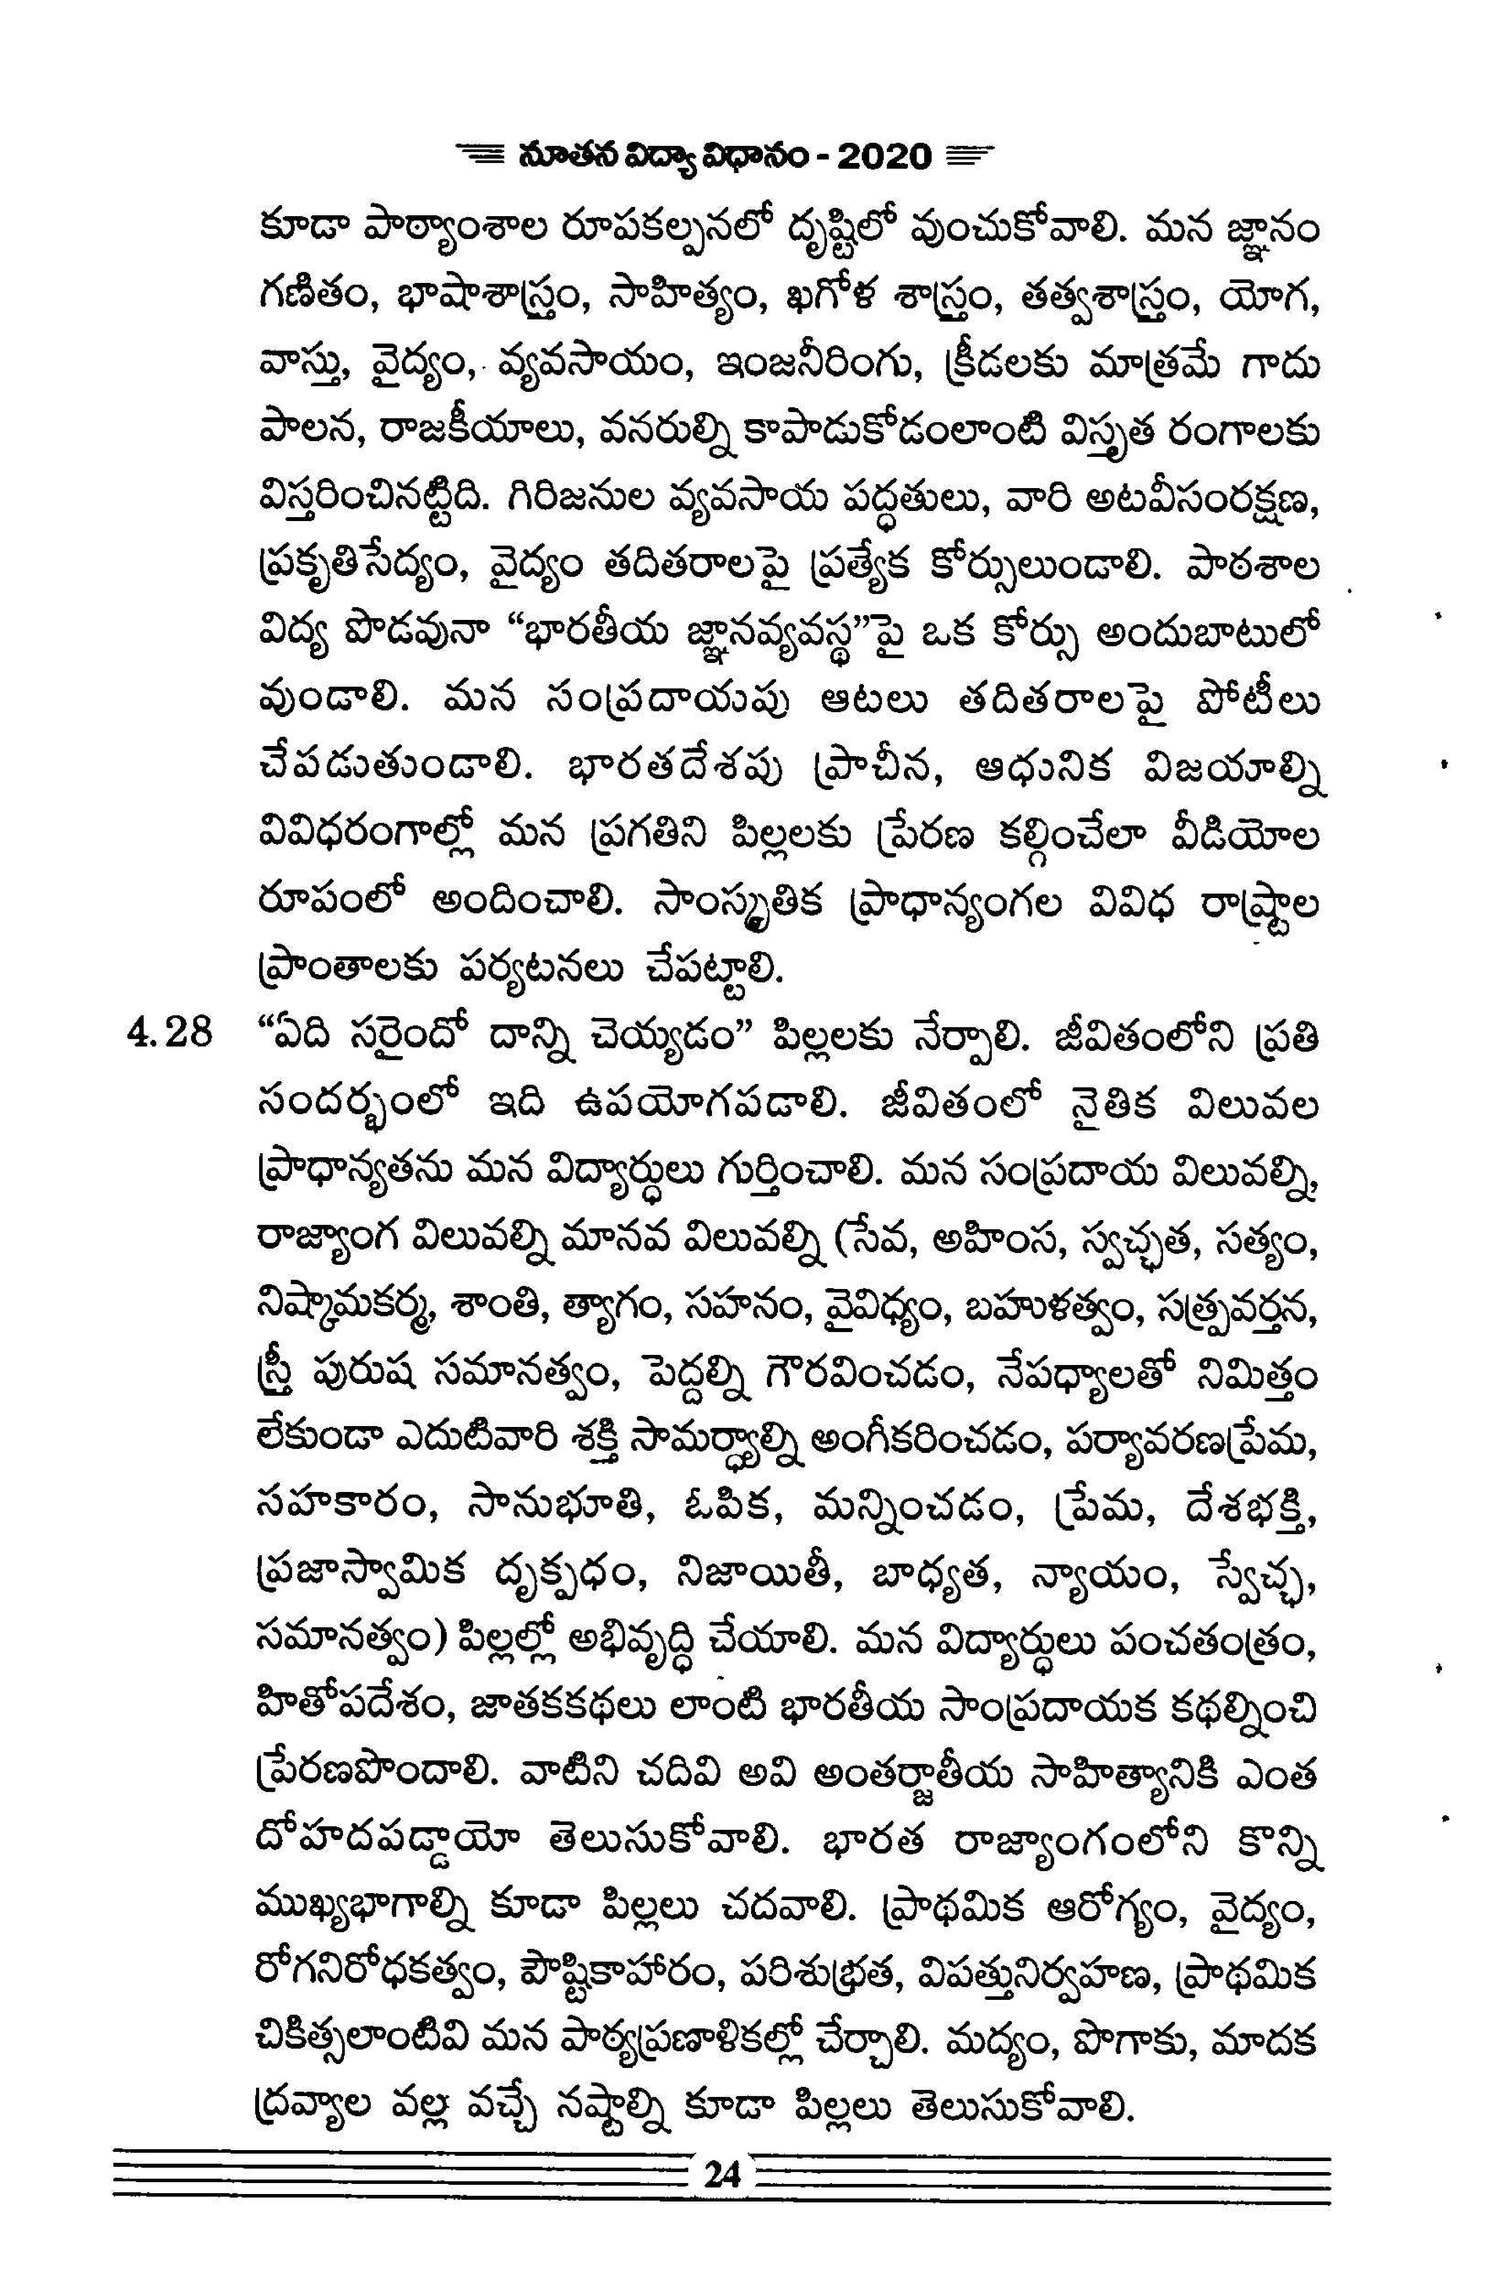కూడా పాఠ్యాంశాల రూపకల్పనలో దృష్టిలో వుంచుకోవాలి. మన జ్ఞానం గణితం, భాషాశాస్త్రం, సాహిత్యం, ఖగోళశాస్త్రం, తత్వశాస్త్రం, యోగ, వాస్తు, వైద్యం, వ్యవసాయం, ఇంజనీరింగ్, క్రీడలకు మాత్రమే కాదు, పాలన, రాజకీయాలు, వనరుల సంరక్షణ లాంటి విస్తృత రంగాలకు కూడా విస్తరించాల్సింది.

గిరిజనుల వ్యవసాయ పద్ధతులు, వారి అటవీ సంరక్షణ, ప్రకృతిసేద్యం, వైద్యం తదితరాలపై ప్రత్యేక కోర్సులు ఉండాలి. పాఠశాల విద్య పొడవునా “భారతీయ జ్ఞానవ్యవస్థ”పై ఒక కోర్సు అందుబాటులో ఉండాలి. మన సంప్రదాయపు ఆటలు తదితరాలపై పోటీలు నిర్వహించాలి. భారతదేశపు ప్రాచీన, ఆధునిక విజయాలను వివిధ రంగాల్లో పిల్లలకు ప్రేరణ కలిగించేలా వీడియోల రూపంలో అందించాలి. సాంస్కృతిక ప్రాధాన్యత గల వివిధ రాష్ట్రాల ప్రాంతాలకు పర్యటనలు చేపట్టాలి.

4.28
“ఏది సరైందో దాన్ని చేయడం” పిల్లలకు నేర్పాలి. జీవితంలోని ప్రతి సందర్భంలో ఇది ఉపయోగపడాలి. జీవితంలో నైతిక విలువల ప్రాధాన్యతను మన విద్యార్థులు గుర్తించాలి. మన సంప్రదాయ విలువల్ని, రాజ్యాంగ విలువల్ని, మానవ విలువల్ని (సేవ, అహింస, స్వచ్ఛత, సత్యం, నిష్కామకర్మ, శాంతి, త్యాగం, సహనం, వైవిధ్యం, బహుళత్వం, సత్ప్రవర్తన, స్త్రీ-పురుష సమానత్వం, పెద్దల్ని గౌరవించడం, నేపథ్యాలతో సంబంధం లేకుండా ఎదుటివారి శక్తి సామర్థ్యాలను అంగీకరించడం, పర్యావరణ ప్రేమ, సహకారం, సానుభూతి, ఓపిక, మన్నింపు, ప్రేమ, దేశభక్తి, ప్రజాస్వామిక దృక్పథం, నిజాయితీ, బాధ్యత, న్యాయం, స్వేచ్ఛ, సమానత్వం) పిల్లల్లో అభివృద్ధి చేయాలి.**

మన విద్యార్థులు పంచతంత్రం, హితోపదేశం, జాతక కథలు లాంటి భారతీయ సాంప్రదాయక కథల నుంచి ప్రేరణ పొందాలి. వాటిని చదివి అవి అంతర్జాతీయ సాహిత్యానికి ఎంత దోహదపడ్డాయో తెలుసుకోవాలి. భారత రాజ్యాంగంలోని కొన్ని ముఖ్య భాగాలను కూడా పిల్లలు చదవాలి.

ప్రాథమిక ఆరోగ్యం, వైద్యం, రోగ నిరోధకత్వం, పౌష్టికాహారం, పరిశుభ్రత, విపత్తు నిర్వహణ, ప్రాథమిక చికిత్సలాంటివి మన పాఠ్య ప్రణాళికల్లో చేర్చాలి. మద్యం, పొగాకు, మాదక ద్రవ్యాల వల్ల వచ్చే నష్టాలను కూడా పిల్లలు తెలుసుకోవాలి.